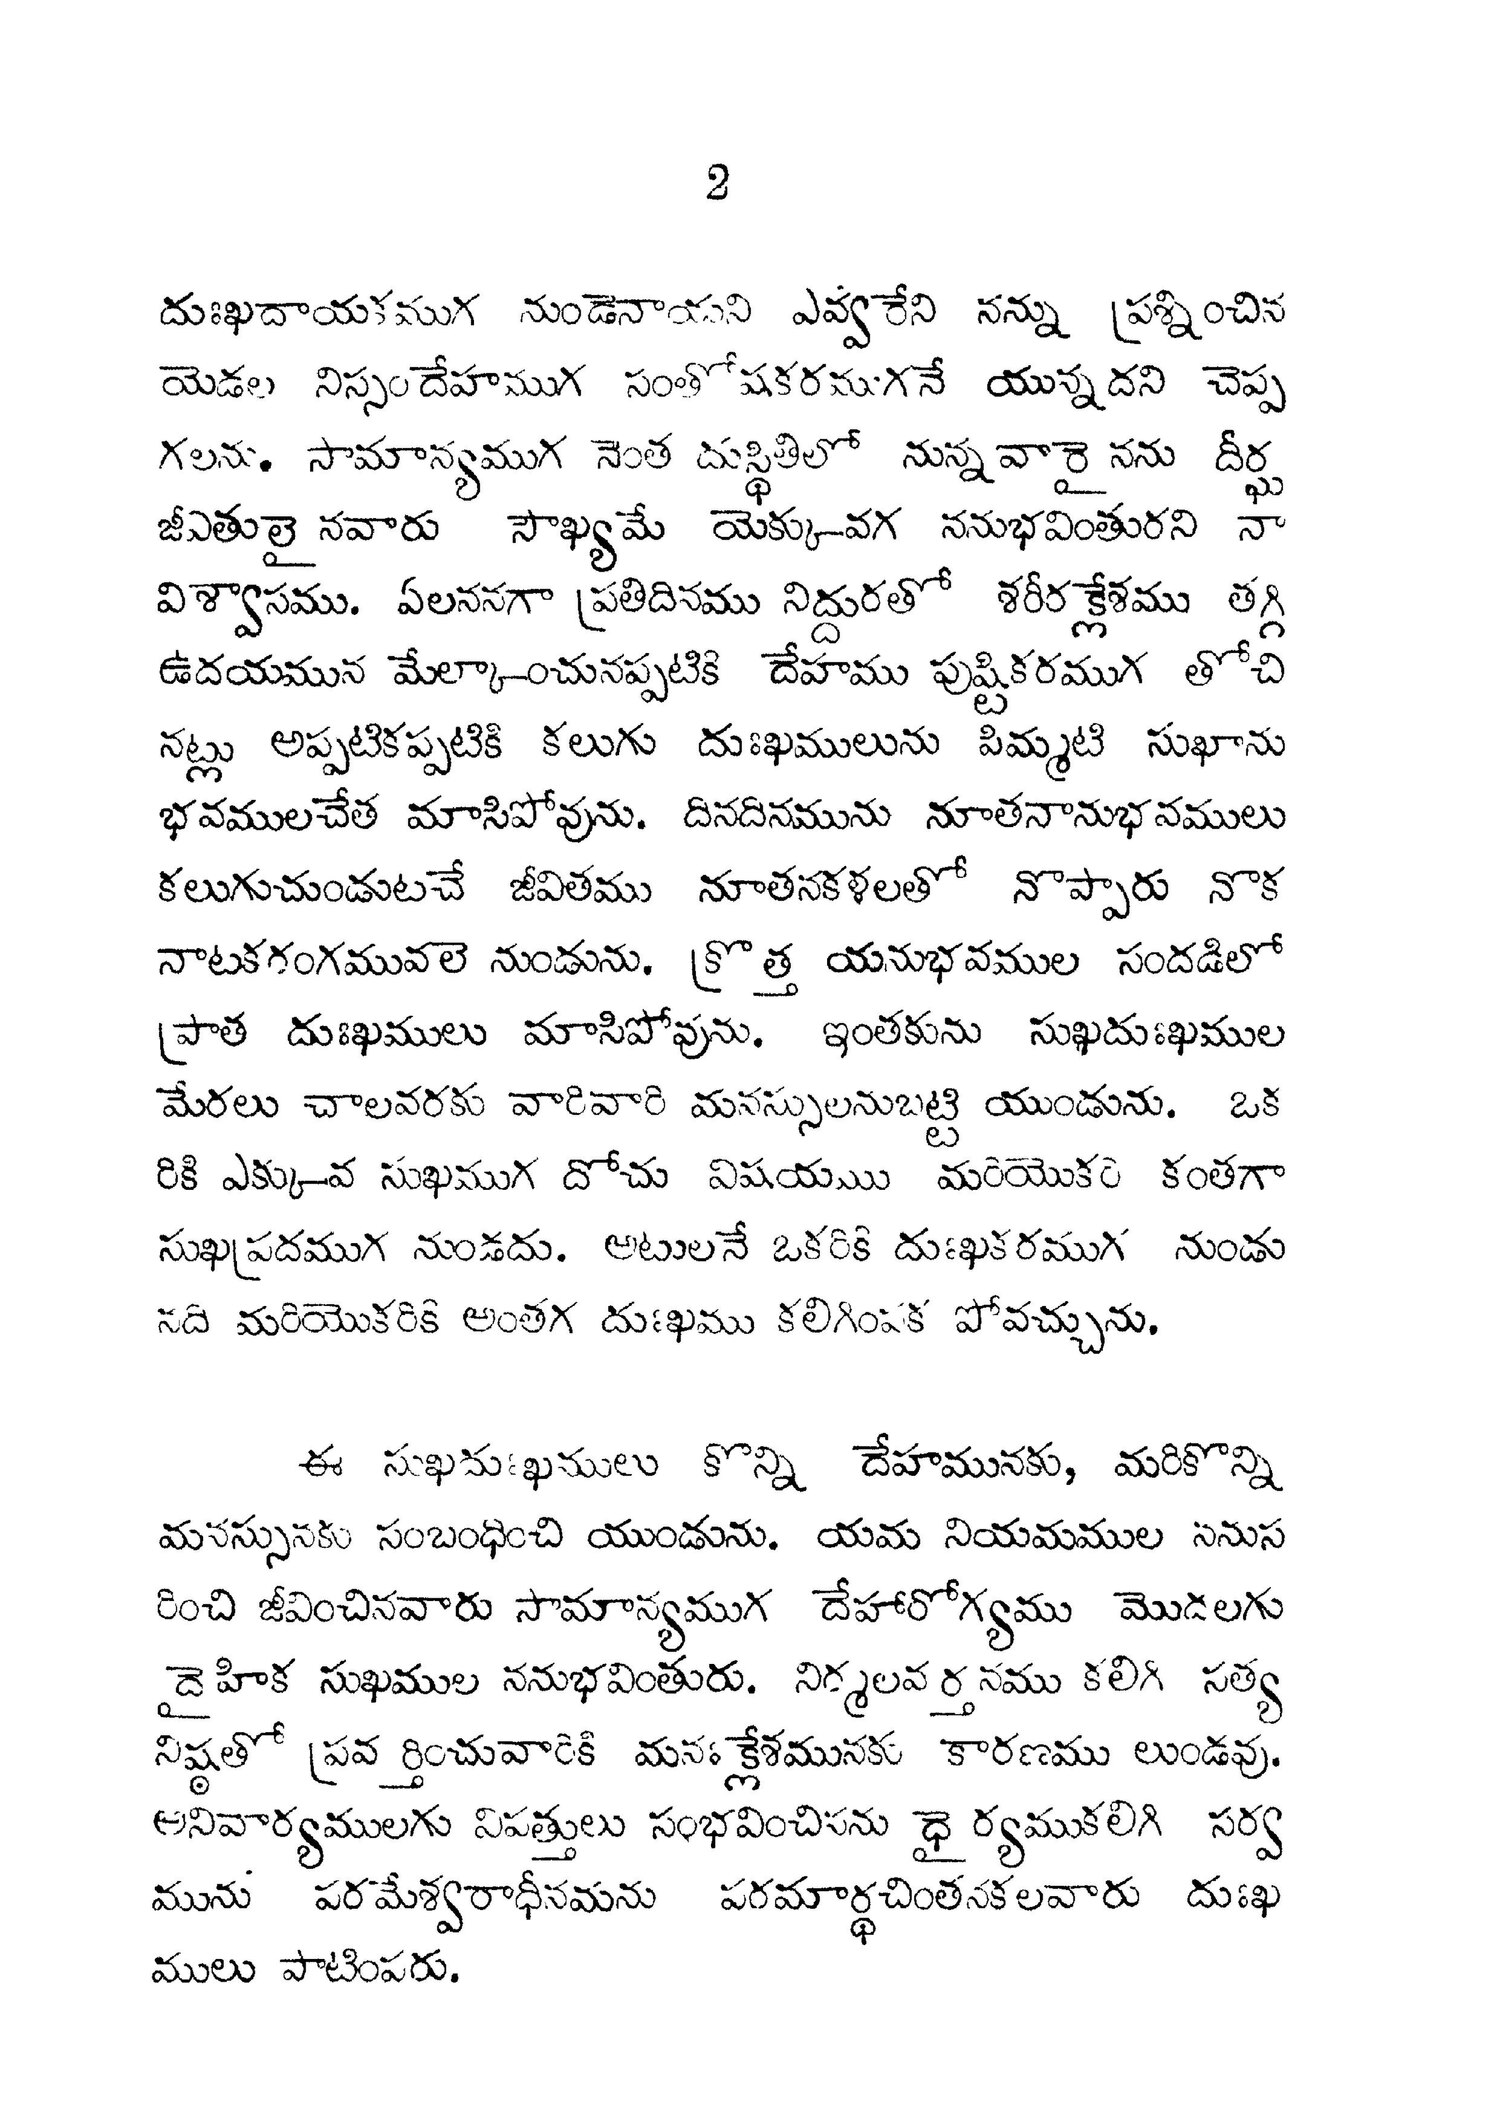దు:ఖదాయకముగ నుండెనాయని ఎవ్వరేని నన్ను ప్రశ్నించిన యెడల నిస్సందేహముగ సంతోషకరముగనే యున్నదని చెప్పగలను. సామాన్యముగ నెంత దుస్థితిలో నున్నవారైనను దీర్ఘజీవితులైనవారు సౌఖ్యమే యెక్కువగ ననుభవింతురని నా విశ్వాసము. ఏలననగా ప్రతిదినము నిద్దురతో శరీరక్లేశము తగ్గి ఉదయమున మేల్కాంచునప్పటికి దేహము పుష్టికరముగ తోచినట్లు అప్పటికప్పటికి కలుగు దు:ఖములును పిమ్మటి సుఖానుభవములచేత మాసిపోవును. దినదినమును నూతనానుభవములు కలుగుచుండుటచే జీవితము నూతనకళలతో నొప్పారు నొక నాటకరంగమువలె నుండును. క్రొత్త యనుభవముల సందడిలో ప్రాత దు:ఖములు మాసిపోవును. ఇంతకును సుఖదు:ఖముల మేరలు చాలవరకు వారివారి మనస్సులనుబట్టి యుండును. ఒకరికి ఎక్కువ సుఖముగ దోచు విషయము మరియొకరి కంతగా సుఖప్రదముగ నుండదు. అటులనే ఒకరికి దు:ఖకరముగ నుండునది మరియొకరికి అంతగ దు:ఖము కలిగింపక పోవచ్చును.

ఈ సుఖదు:ఖములు కొన్ని దేహమునకు, మరికొన్ని మనస్సునకు సంబంధించి యుండును. యమ నియమముల ననుసరించి జీవించినవారు సామాన్యముగ దేహారోగ్యము మొదలగు దైహిక సుఖముల ననుభవింతురు. నిర్మలవర్తనము కలిగి సత్యనిష్ఠతో ప్రవర్తించువారికి మన:క్లేశమునకు కారణము లుండవు. అనివార్యములగు విపత్తులు సంభవించినను ధైర్యముకలిగి సర్వమును పరమేశ్వరాధీనమను పరమార్థచింతనకలవారు దు:ఖములు పాటింపరు.